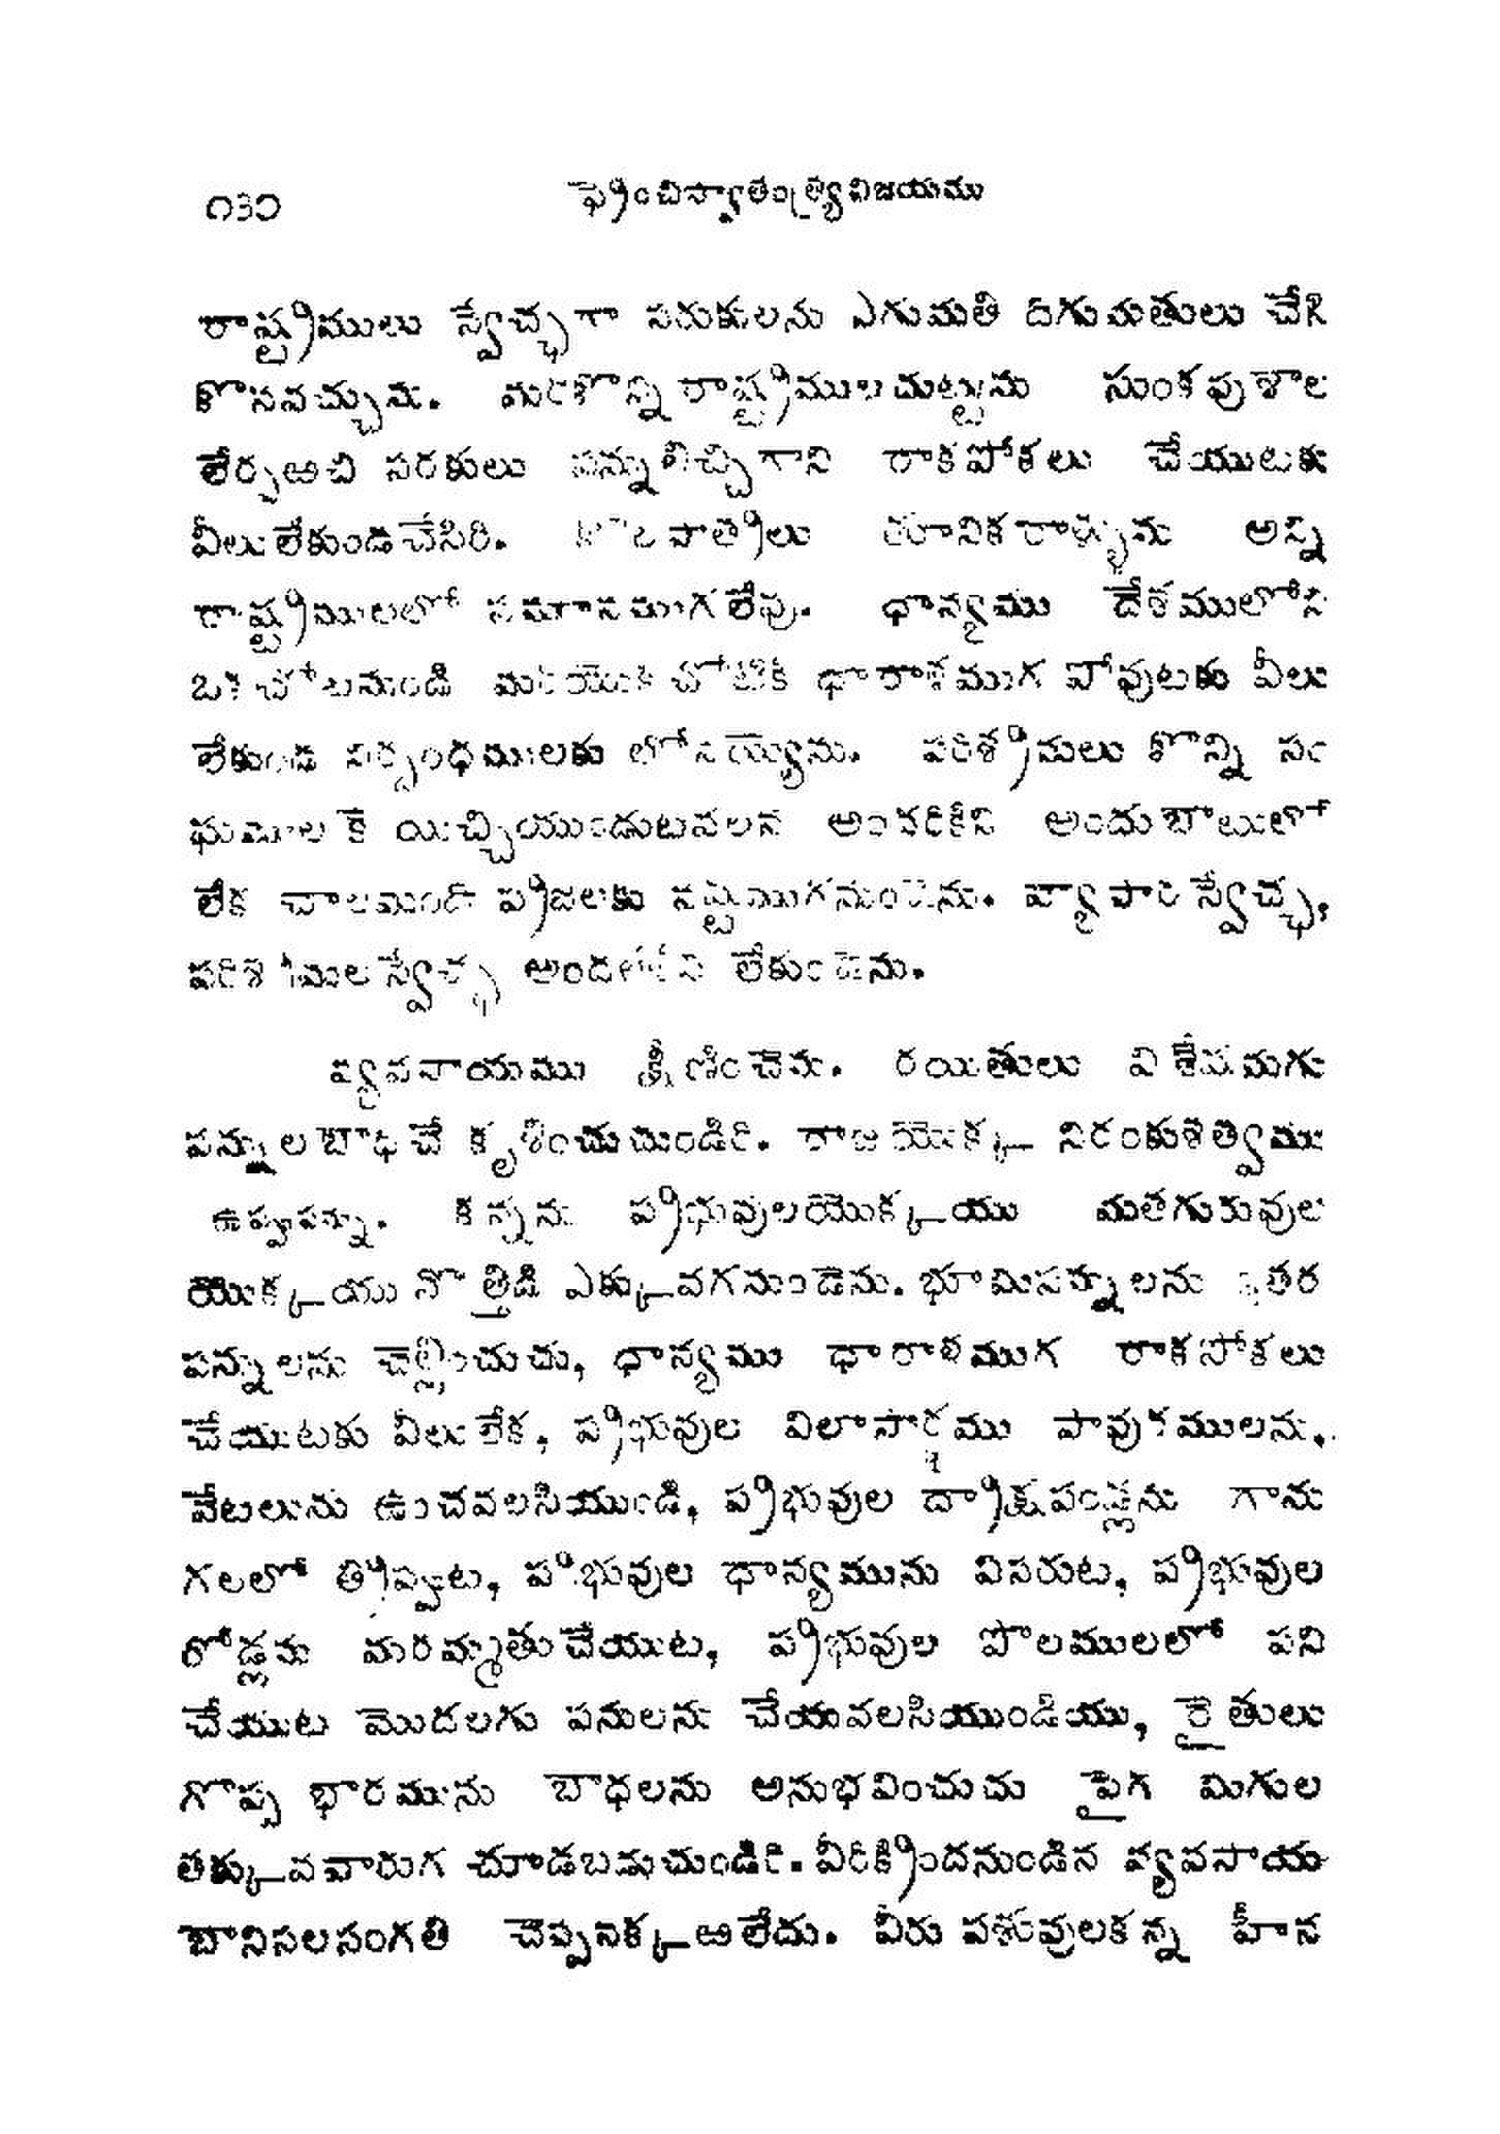రాష్ట్రములు స్వేచ్ఛగా సరుకులను ఎగుమతి దిగుమతులు చేసి
కొనవచ్చును. మరికొన్ని రాష్ట్రముల చుట్టును సుంకపు శాల
లేర్పఱచి సరకులు పన్ను లిచ్చన గాని రాక పోకలు చేయుటకు
వీలు లేకుండ చేసిరి. కొల పాత్రలు తూనిక రాళ్ళను అన్ని
రాష్ట్రములలో సమానముగ లేపు. ధాన్యము దేశములోని
ఒక చోటునుండి మరియొకచోటుకి ధారాళముగ పోవుటకు వీలు
లేదు - నిర్పందములకు లోనయ్యెను. పరిశ్రమలు కొన్ని సం
ఘములకే యిచ్చియుండుట వలన అందరికి అందుబాటులో
లేక చాల ప్రజలకు నష్టముగనుండెను, వ్యాపార స్వేచ్ఛ,
పరిశ్రమల స్వేచ్చ అందరికినీ లేకుండెను,

ఉప్పు
పన్నులు
వ్యవసాయము .క్షీణించెను. రయితులు విశేషమగు
పన్నుల బాదచే కృశించు చుండిరి. రాజు యొక్క నిరంకుశత్వము
కన్నను ప్రభువుల యొక్కయు మతగురువుల
యొక్కయు నొత్తిడి ఎక్కువగ నుండెను. భూమిపన్నులను ఇతర
పన్నలను చెల్లించుచు, ధాన్యము ధారాళముగ రాకపోకలు
చేయుటకు వీలు లేక , ప్రభువుల విలాసార్థము పావురములను,
వేటలును ఉంచవలసి యుండి, ప్రభువుల దాక్షపండ్లను గాను
గలలో తిప్పుట, ప్రభువుల ధాన్యమును విసరుట, ప్రభువుల
రోడ్లను మరమ్మతు చేయుట, ప్రభువుల పొలములలో పని
చేయుట మొదలగు పనులను చేయవలసి యుండియు, రైతులు
గొప్ప భారమును బాధలను అనుభవించుచు పైగా మిగుల
తక్కువవారుగ చూడబడు చుండిరి. వీరి కిందనుండిన వ్యవసాయ
బానిసల సంగతి చెప్పనక్కఱ లేదు. వీరు పశువులకన్న హీన